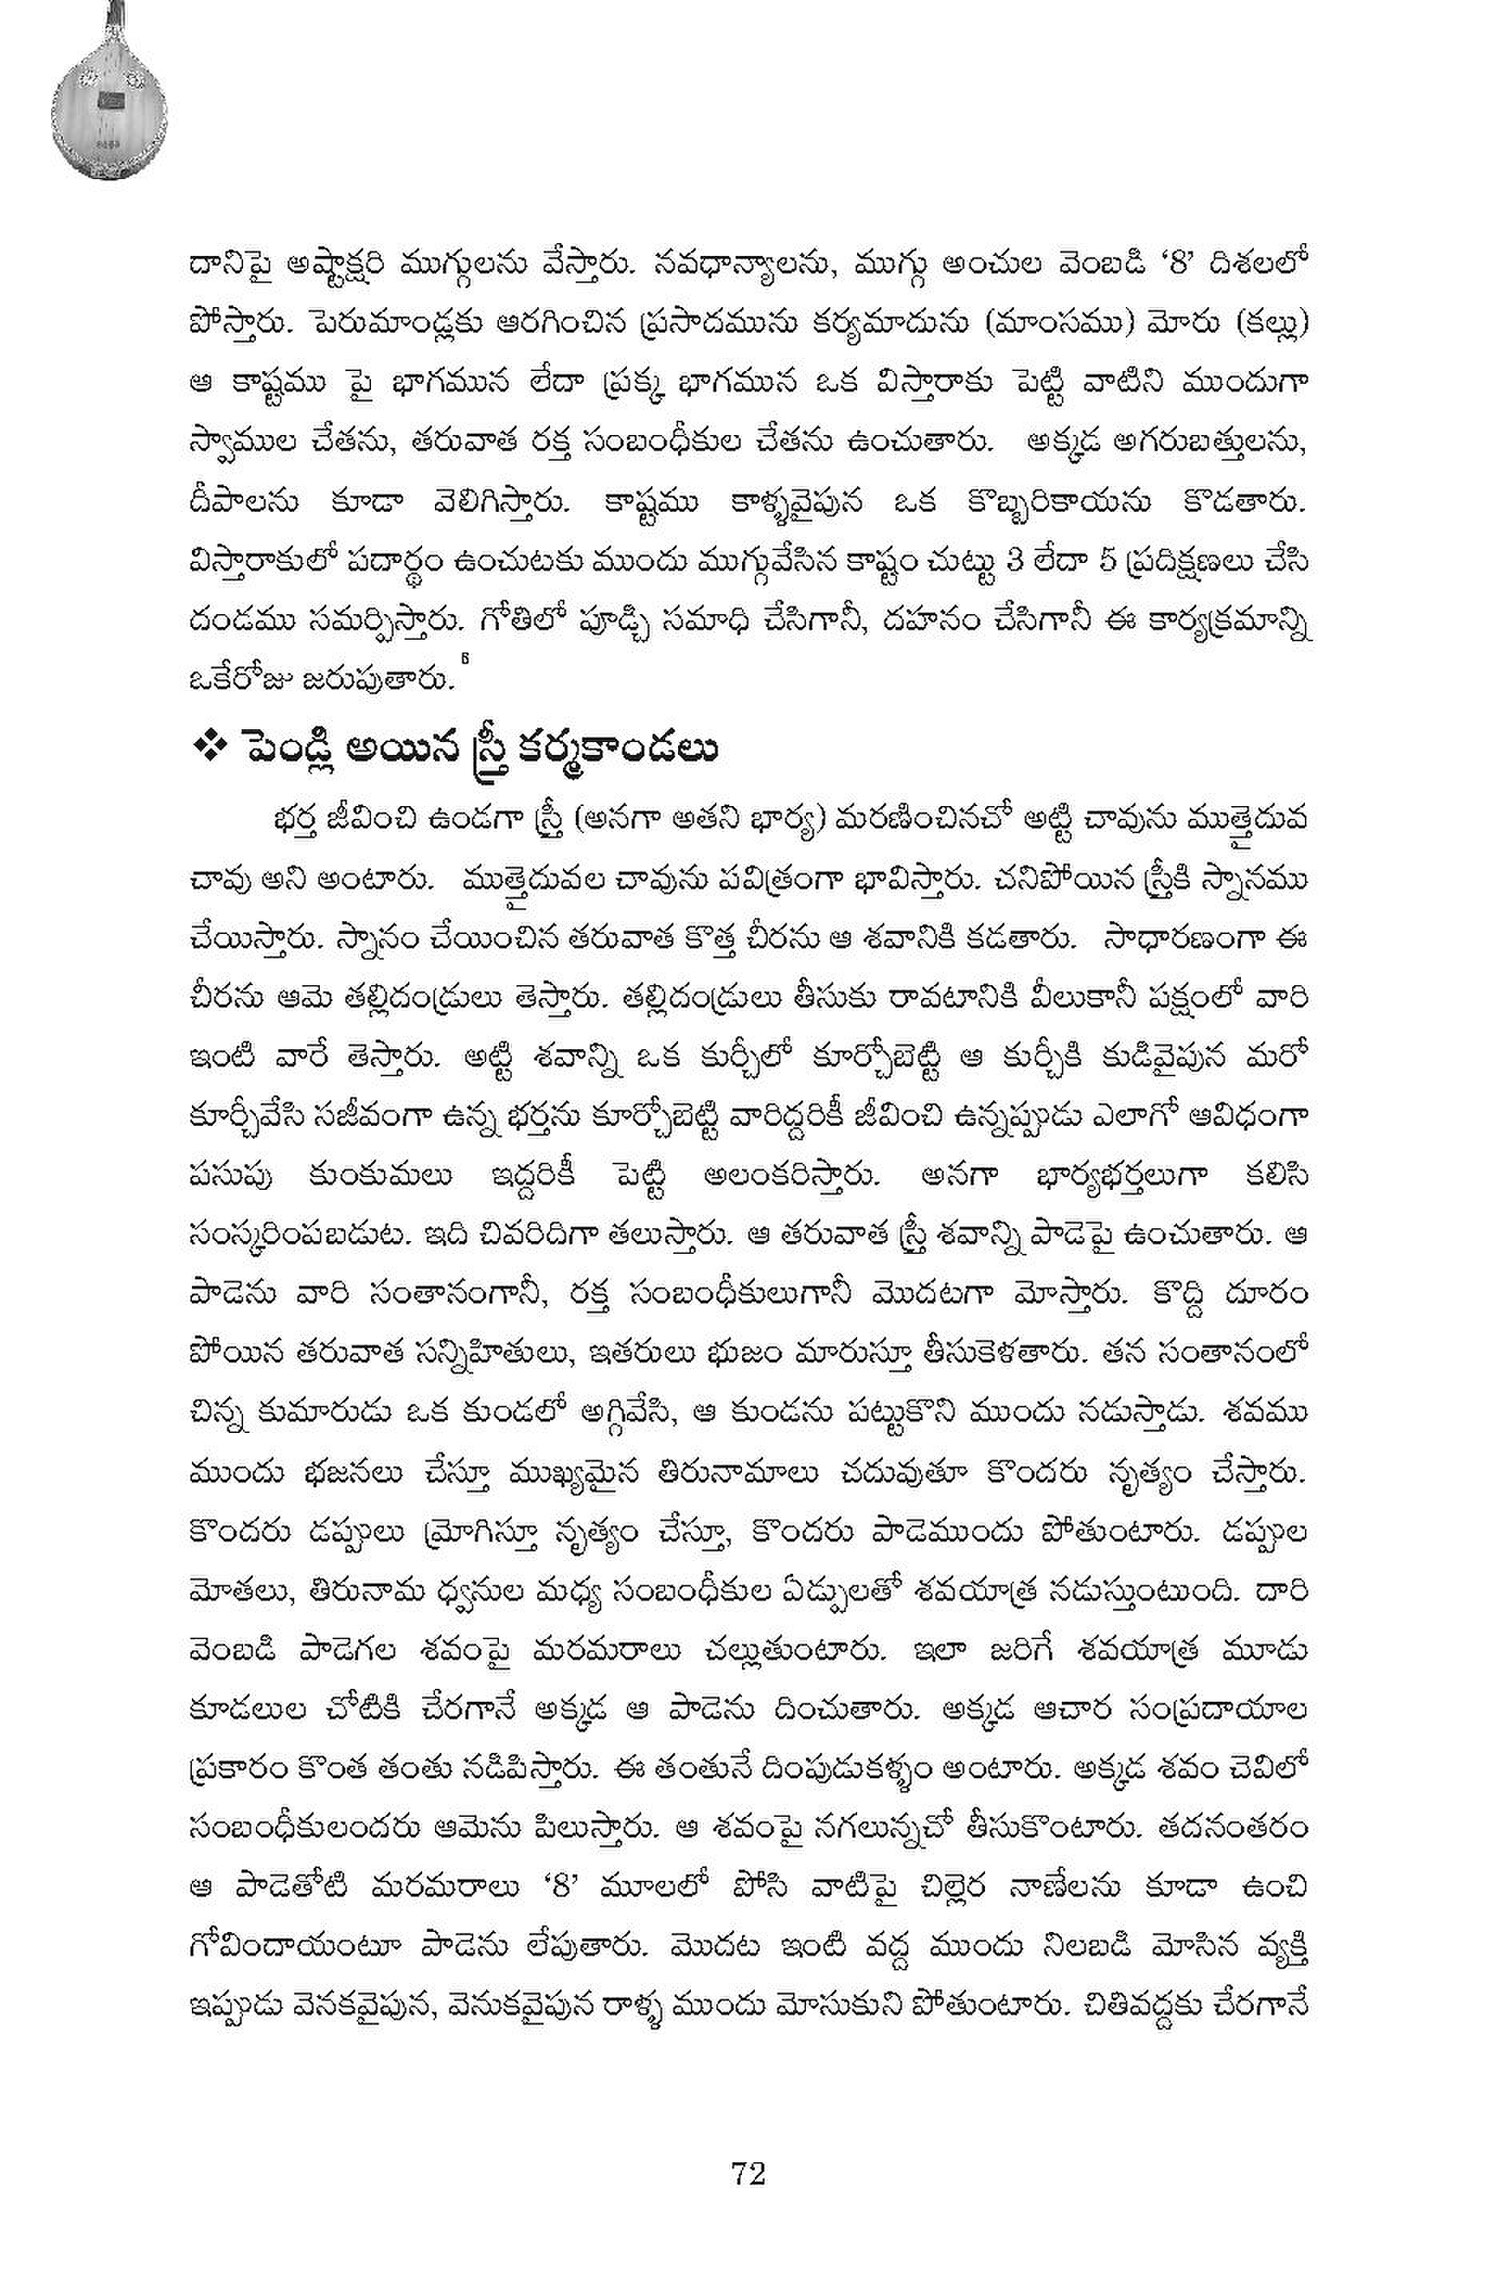దానిపై అష్టాక్షరి ముగ్గులను వేస్తారు. నవధాన్యాలను, ముగ్గు అంచుల వెంబడి '8' దిశలలో పోస్తారు. పెరుమాండ్లకు ఆరగించిన ప్రసాదమును కర్యమాదును (మాంసము) మోరు (కల్లు) ఆ కాష్టము పై భాగమున లేదా ప్రక్క భాగమున ఒక విస్తారాకు పెట్టి వాటిని ముందుగా స్వాముల చేతను, తరువాత రక్త సంబంధీకుల చేతను ఉంచుతారు. అక్కడ అగరు బత్తులను, దీపాలను కూడా వెలిగిస్తారు. కాష్టము కాళ్ళవైపున ఒక కొబ్బరికాయను కొడతారు. విస్తారాకులో పదార్థం ఉంచుటకు ముందు ముగ్గువేసిన కాష్టం చుట్టు 3 లేదా 5 ప్రదిక్షణలు చేసి దండము సమర్పిస్తారు. గోతిలో పూడ్చి సమాధి చేసిగానీ, దహనం చేసిగానీ ఈ కార్యక్రమాన్ని ఒకేరోజు జరుపుతారు.8

పెండ్లి అయిన స్త్రీ కర్మకాండలు 

భర్త జీవించి ఉండగా స్త్రీ (అనగా అతని భార్య) మరణించినచో అట్టి చావును ముత్తైదువ చావు అని అంటారు. ముత్తైదువల చావును పవిత్రంగా భావిస్తారు. చనిపోయిన స్త్రీకి స్నానము చేయిస్తారు. స్నానం చేయించిన తరువాత కొత్త చీరను ఆ శవానికి కడతారు. సాధారణంగా ఈ చీరను ఆమె తల్లిదండ్రులు తెస్తారు. తల్లిదండ్రులు తీసుకు రావటానికి వీలుకానీ పక్షంలో వారి ఇంటి వారే తెస్తారు. అట్టి శవాన్ని ఒక కుర్చీలో కూర్చోబెట్టి ఆ కుర్చీకి కుడివైపున మరో కూర్చీవేసి సజీవంగా ఉన్న భర్తను కూర్చోబెట్టి వారిద్దరికీ జీవించి ఉన్నప్పుడు ఎలాగో ఆవిధంగా పసుపు కుంకుమలు ఇద్దరికీ పెట్టి అలంకరిస్తారు. అనగా భార్యభర్తలుగా కలిసి సంస్కరింపబడుట. ఇది చివరిదిగా తలుస్తారు. ఆ తరువాత స్త్రీ శవాన్ని పాడెపై ఉంచుతారు. ఆ పాడెను వారి సంతానంగానీ, రక్త సంబంధీకులుగానీ మొదటగా మోస్తారు. కొద్ది దూరం పోయిన తరువాత సన్నిహితులు, ఇతరులు భుజం మారుస్తూ తీసుకెళతారు. తన సంతానంలో చిన్న కుమారుడు ఒక కుండలో అగ్గివేసి, ఆ కుండను పట్టుకొని ముందు నడుస్తాడు. శవము ముందు భజనలు చేస్తూ ముఖ్యమైన తిరునామాలు చదువుతూ కొందరు నృత్యం చేస్తారు. కొందరు డప్పులు మ్రోగిస్తూ నృత్యం చేస్తూ, కొందరు పాడెముందు పోతుంటారు. డప్పుల
మోతలు, తిరునామ ధ్వనుల మధ్య సంబంధీకుల ఏడ్పులతో శవయాత్ర నడుస్తుంటుంది. దారి వెంబడి పాడెగల శవంపై మరమరాలు చల్లుతుంటారు. ఇలా జరిగే శవయాత్ర మూడు కూడలుల చోటికి చేరగానే అక్కడ ఆ పాడెను దించుతారు. అక్కడ ఆచార సంప్రదాయాల ప్రకారం కొంత తంతు నడిపిస్తారు. ఈ తంతునే దింపుడుకళ్ళం అంటారు. అక్కడ శవం చెవిలో సంబంధీకులందరు ఆమెను పిలుస్తారు. ఆ శవంపై నగలున్నచో తీసుకొంటారు. తదనంతరం ఆ పాడెతోటి మరమరాలు '8' మూలలో పోసి వాటిపై చిల్లెర నాణేలను కూడా ఉంచి గోవిందాయంటూ పాడెను లేపుతారు. మొదట ఇంటి వద్ద ముందు నిలబడి మోసిన వ్యక్తి ఇప్పుడు వెనకవైపున, వెనుకవైపున రాళ్ళ ముందు మోసుకుని పోతుంటారు. చితివద్దకు చేరగానే